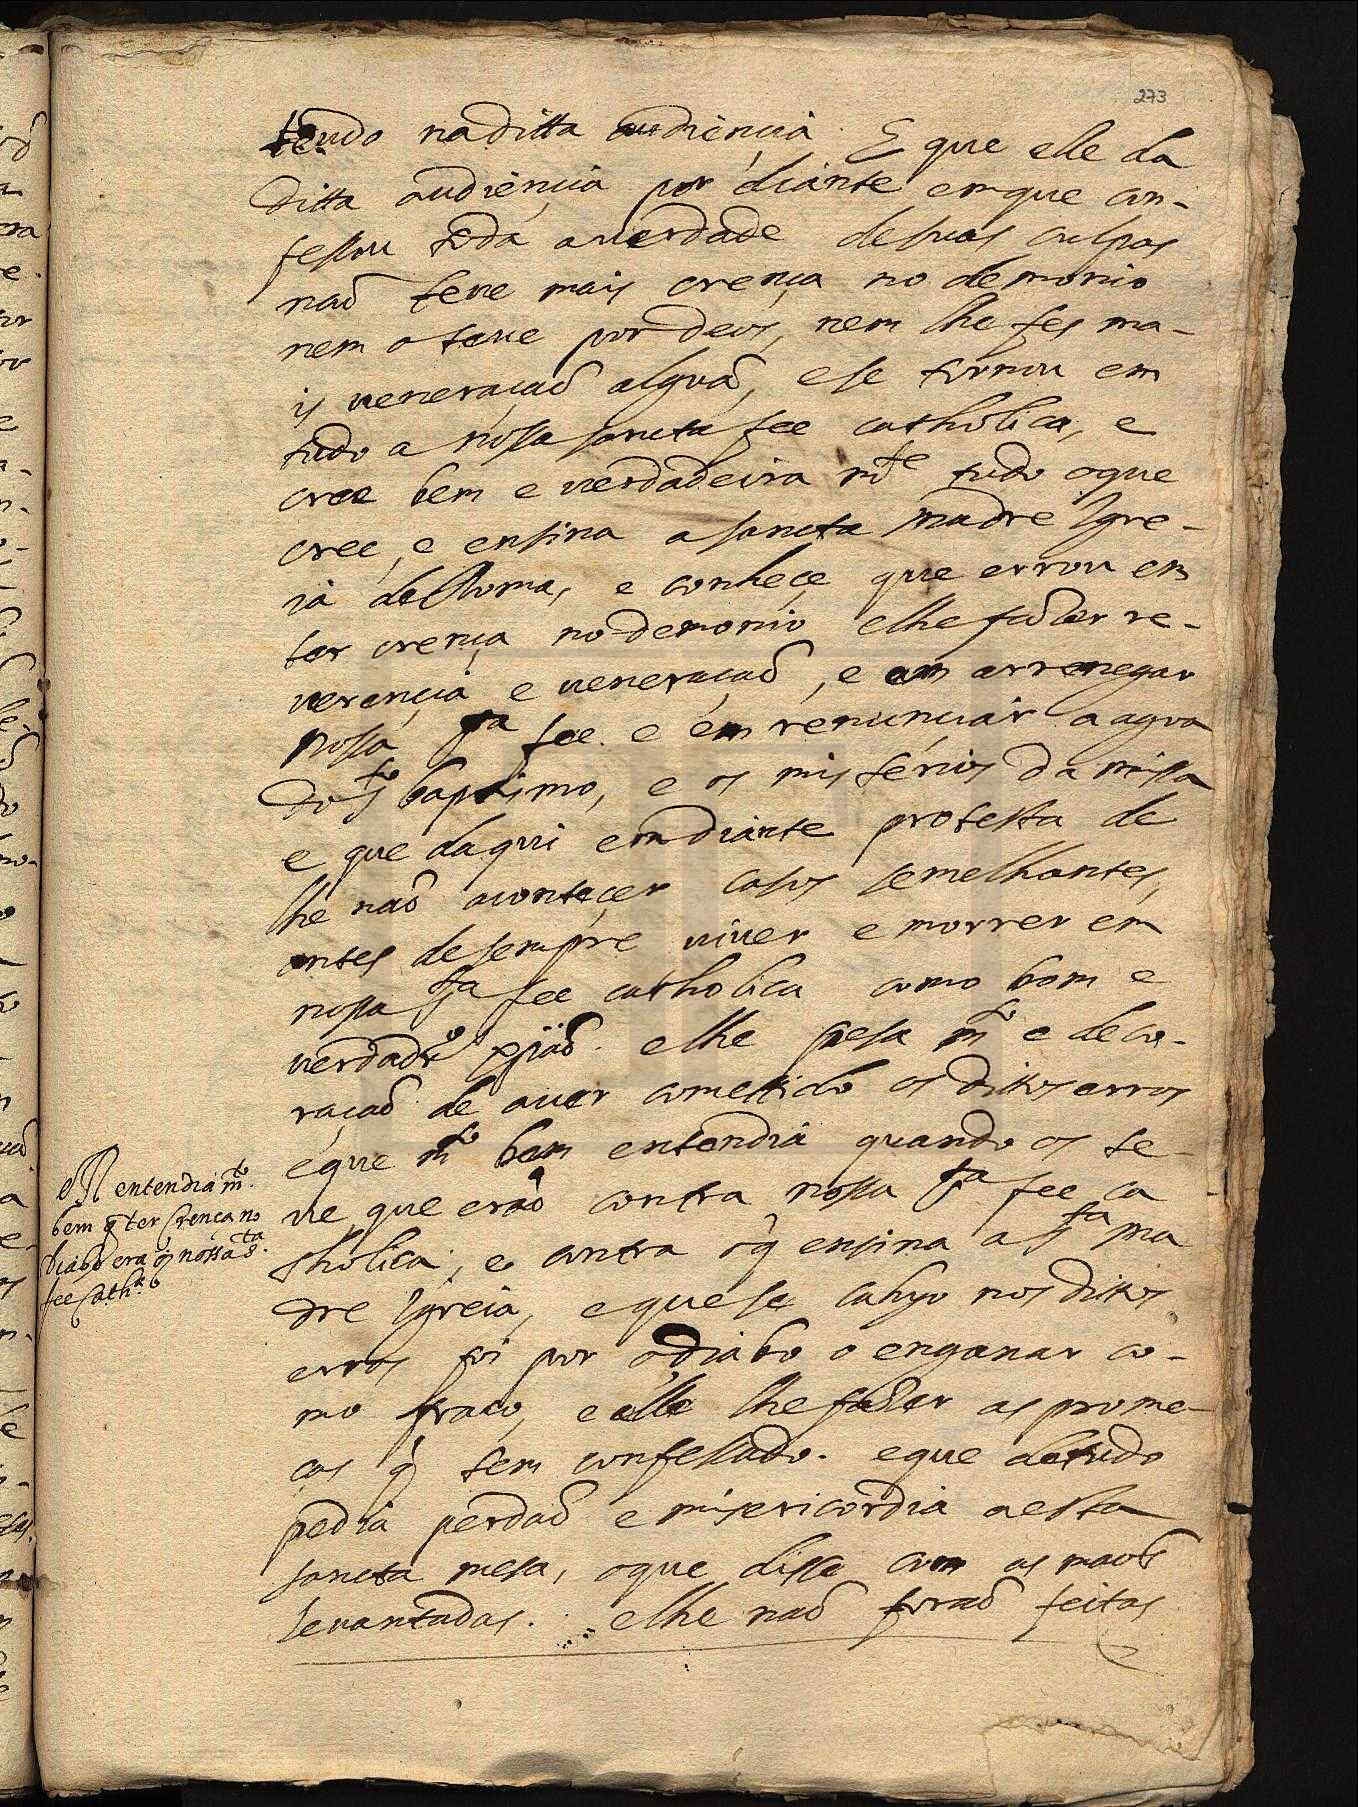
tendo na ditta audiençia E que elle da
ditta audiençia por diante em que con
fessou toda a uerdade de suas culpas
naõ teve mais crença no demonio
nem o teue por deos, nem lhe fes ma
is ueneraçaõ alguā, e se tornou em
tudo a nossa sancta fee catholica, e
cree bem e verdadeira m.te tudo o que
cree, e ensina a Sancta madre Igre
ia de Roma, e conheçe que errou em
ter crença no demonio e lhe fazer re
verençia e veneraçaõ, e em arrenegar
nossa S.ta fee. e em renunçiar a agoa
do S.to baptismo, e os misterios da missa
e que daqui em diante protesta de
lhe naõ aconteçer casos semelhantes,
antes de sempre viuer e morrer em
nossa S.ta fee catholica como bom e
verdad.ro Xpaõ e lhe pesa m.to e de co
ração de auer comettido os dittos erros
o R entendia m.to
bem q̄ ter Crença no
Diabo era ꝯ nossa s.ta
fee Cath.a
e que mto bem entendia quando os te
ve que eraõ contra nossa S.ta fee ca
tholica; e contra o q̄ ensina a Sta ma
dre Igreia, e que se cahyo nos dittos
erros foi por o diabo o enganar co
mo fraco, e elle lhe fazer as prome
ças q̄ tem confessado. e que de tudo
pedia perdaõ e misericordia a esta
sancta mesa, o que disse com as maos̄
levantadas e lhe naõ foraõ feitas
